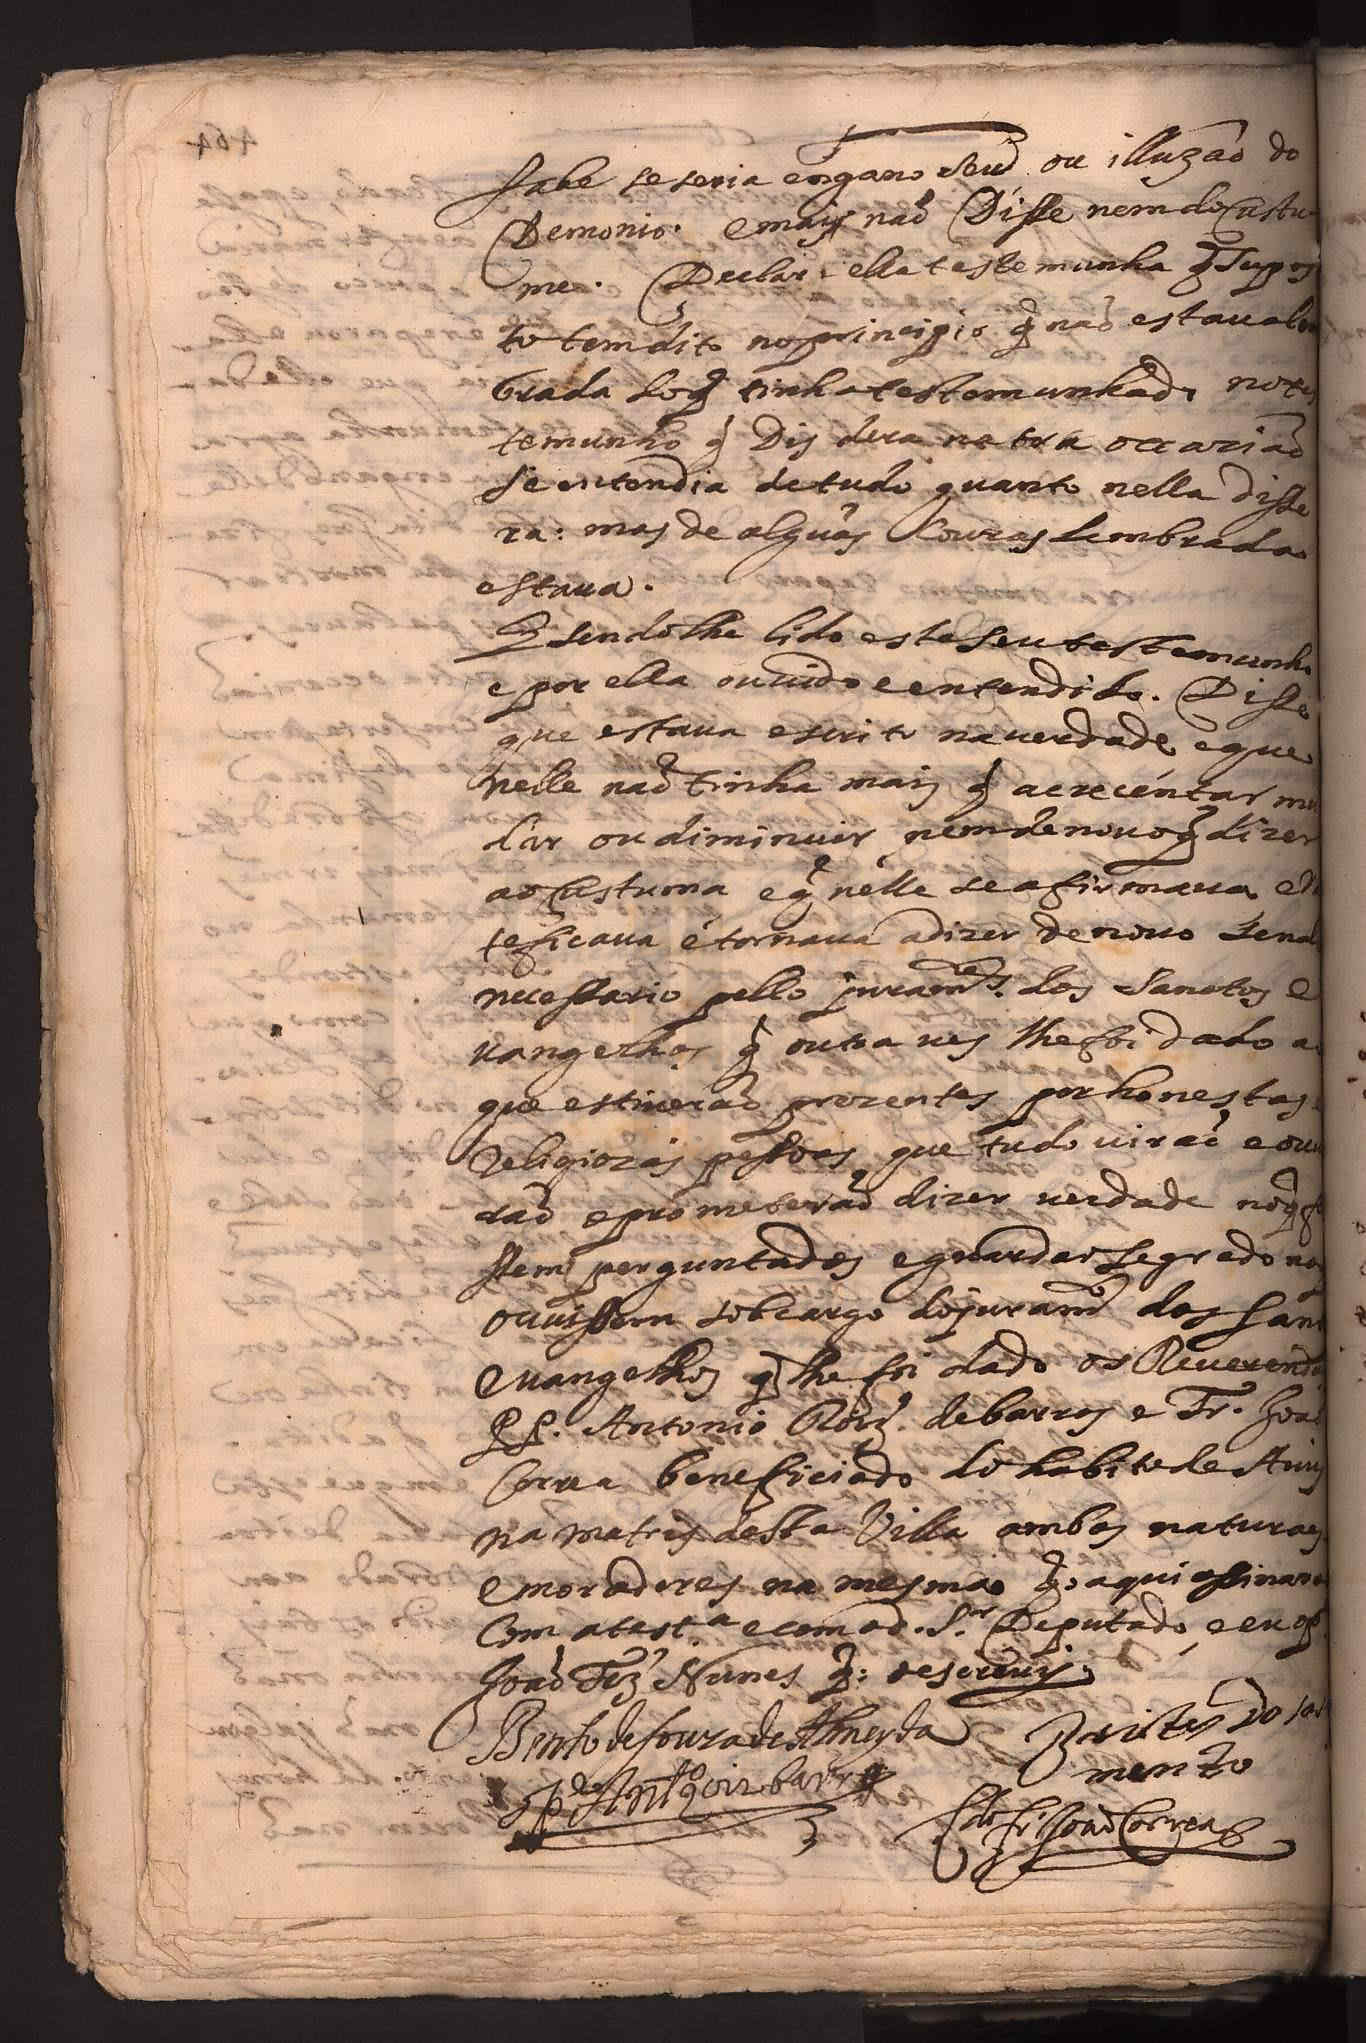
sabe se seria engano seu ou illuzaõ do
Demonio; e mais naõ Disse, nem do Custu
me. Declare ella testemunha q̄ supos
to tem dito no principio q̄ naõ estaua ale
brada do q̄ tinha testemunhado no tes
temunho q̄ Dis dera na tra occaziaõ
se entendia de tudo quanto nella disse
ra; mas de alguās couzas lembrada
estaua.
E sendolhe lido este seu testemunho
e por ella ouuido e entendido. Disse
que estaua escrito na uerdade, e que
nelle naõ tinha mais q̄ acrecentar, mu
dar ou diminuir, nem de nouo q̄ dizer
ao Custume, e q̄ nelle se afirmaua e ra
teficaua e tornaua a dizer de nouo sendo
necessario pello juram.to dos Sanctos E
uangelhos q̄ outra ues lhe foi dado a
que estiueraõ prezentes por honestas
Religiozas pessoas que tudo uiraõ e ouu
rão e prometeraõ dizer uerdade no q̄ f
ssem perguntados e guardar segredo no
ouuissem sob cargo do juramto dos san
euangelhos q̄ lhe foi dado os Reuerendo
PP. Antonio Roiz̄ de barros, e Fr. Joaõ
Correa beneficiado do habito de Auis
na matris desta Villa ambos naturaes
e moradores na mesma q̄ aqui assinara
Com a test.a e com o d. S.r Deputado, e eu o p
Joaõ Fez̄ Nunes q̄ o escreuy
Bento de Souza de Almeyda
Brites do sa
mento
o pe Anto Roiz̄ barros
Ldo fr. Joaõ Correa
